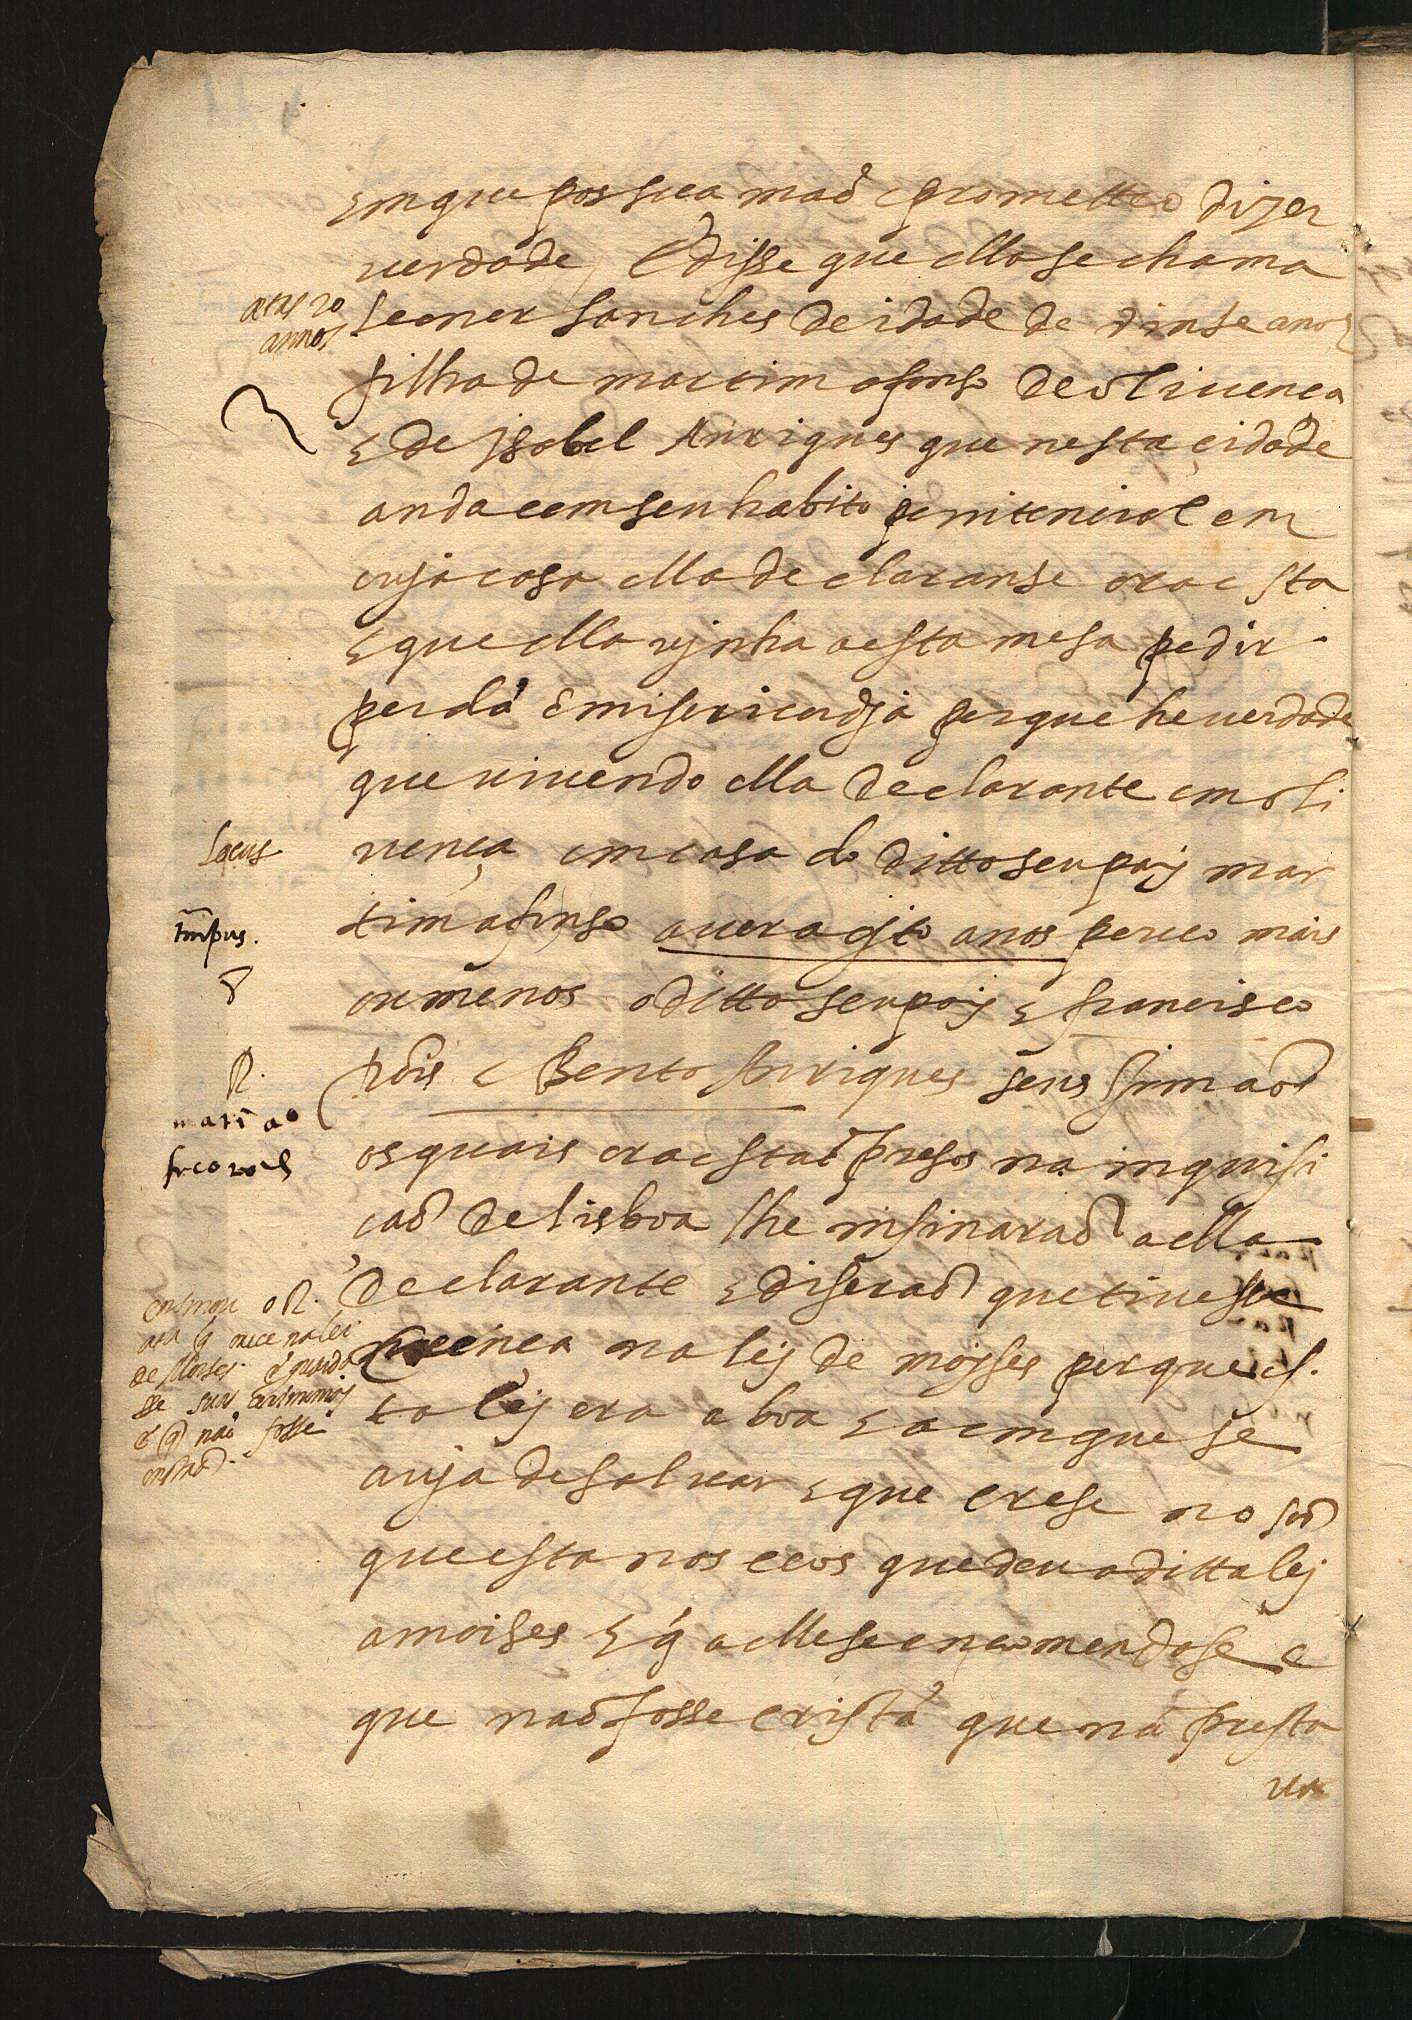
Em que pos sua maõ e prometteo dizer
uerdade, E disse que ella se chama
Leonor sanches de idade de vinte anos
filha de martim afonso de oliuença
E de jsabel Anriques que nesta çidade
anda com seu habito penitencial em
cuja casa ella declarante ora esta
E que ella ujnha a esta mesa pedir
perdā E misericordja porque he uerdade
que uiuendo ella declarante em oli
Locus
uença em casa do ditto seu pay mar
t̄mpus
tim afonso auera ojto anos pouco mais
8
ou menos o ditto seu pay E francisco
R.
Roīs E Bento Anriques seus Jrmaõs
matī ao
frco rois
os quais ora estaõ presos na inquisi
çaõ de lisboa lhe insinaraõ a ella
declarante E diseraõ que tiuesse
ensinou o R.
a ta q̄ crece na lei
de Moizes e guarda
sse suas cerimonias
e q̄ naõ fosse
cristão
Crença na lej de moyses porque es
ta lej era a boa E a em que se
auja de saluar e que crese no sor̄
que esta nos ceos que deu a ditta lej
a moises E q̄ a elle se encomendase e
que naõ fosse cristã que nā presta
ua
